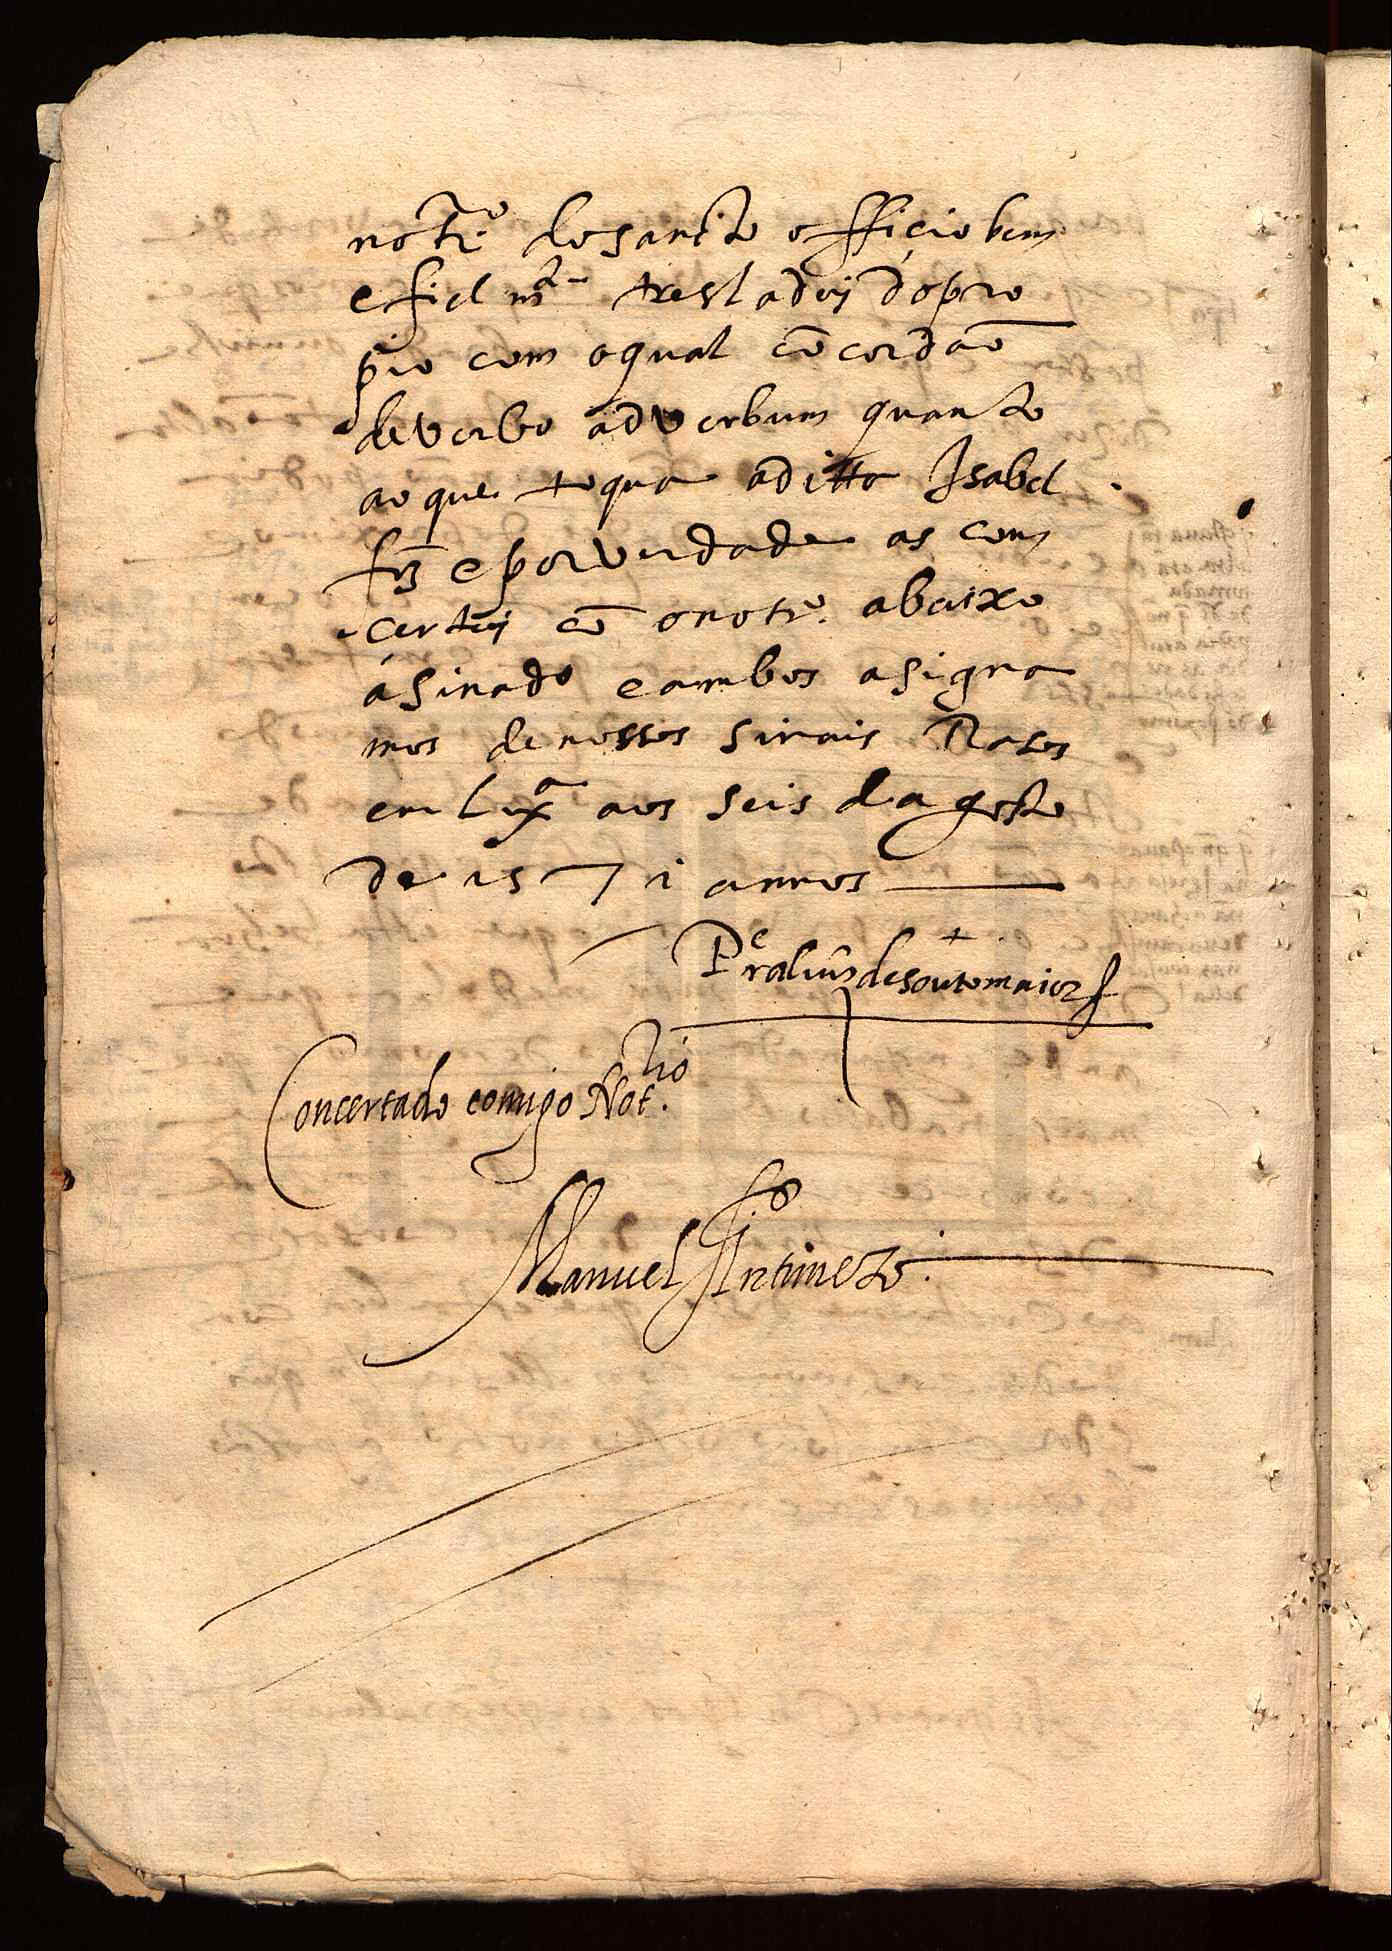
not.ro do sancto officio bem
e fielmte tresladey do pro
pio com o qual cōcordaõ
de verbo ad verbum quanto
ao que toqua a ditta Jsabel
frz̄ e por verdade as com
certey cō o notro. abaixo
asinado e ambos asigna
mos de nossos sinais Rasos
em Lixa aos seis dagosto
de 157i annos
Proalur̄z de soutomaior
Concertado comigo Not.rio
Manuel Antunez.
